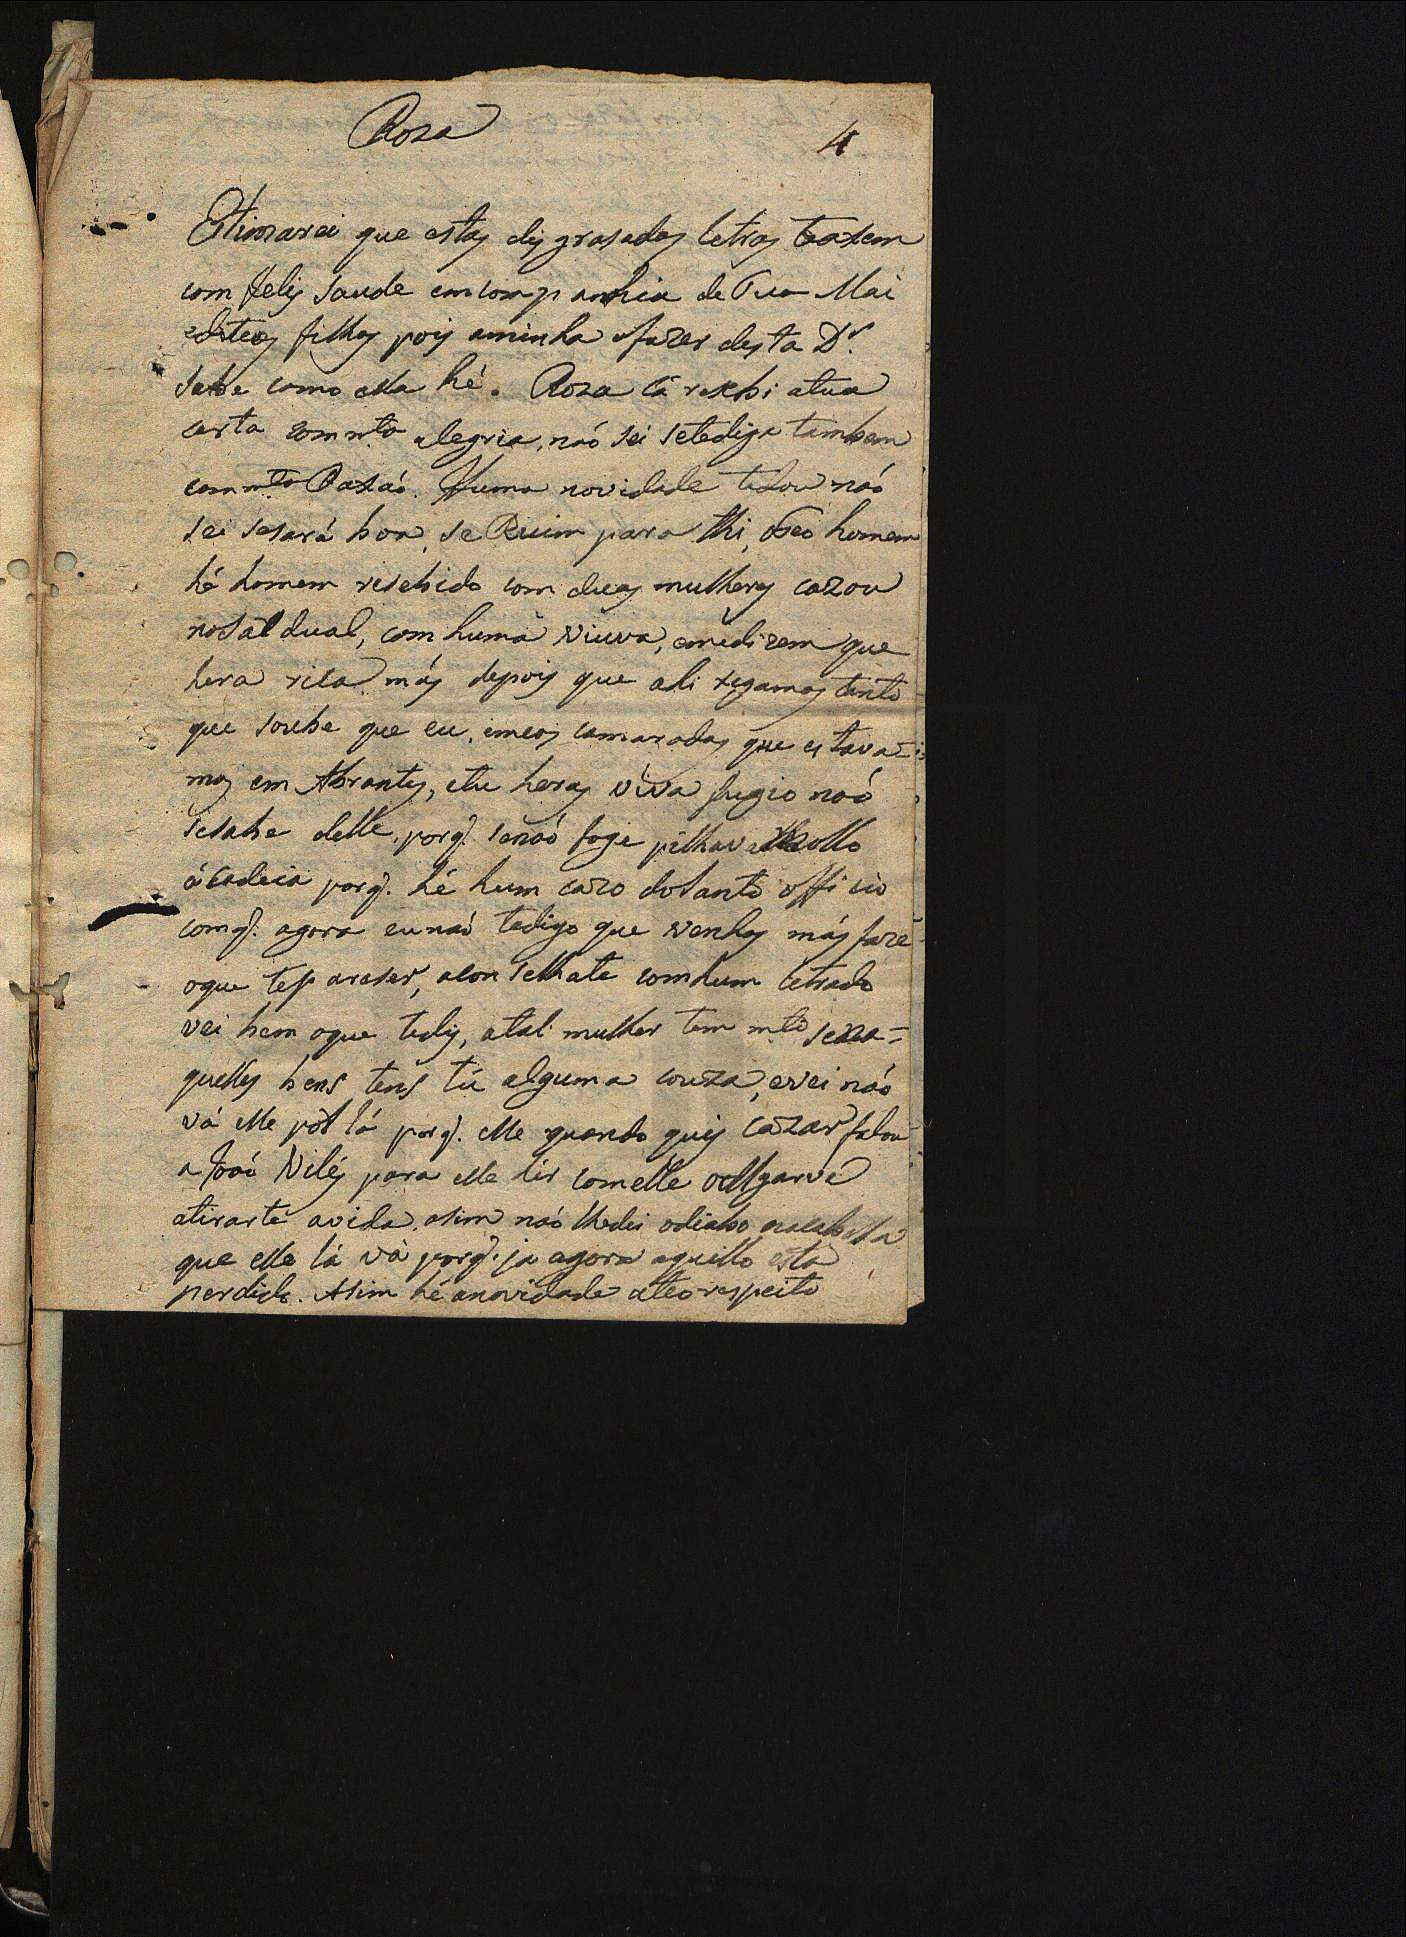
Roza
Estimarei que estas disgrasadas letras te axem
com felis saude em companhia de tua Mai
e de teos filhos pois a minha o fazer desta D.s
sabe como ella hé. Roza cá recebi a tua
carta com m.ta alegria, naõ sei se te diga tambem
com m.ta Paxaõ. Huma novidade te dou naõ
sei se será boa, se Ruim para thi, o seo homem
hé homem resebido com duas mulheres cazou
no sal dual, com huma viuva, e me dizem que
hera rica más depois que ali xegamos tanto
que soube que eu, e meos camaradas que estava
mos em Abrantes, tu heras viva fugio naõ
se sabe delle, porq̄. se naõ foge pilhava sollo
á cadeia porq̄. hé hum cazo do Santo officio
com q̄. agora eu naõ te digo que venhas más faze
o que te parecer, aconselhate com hum letrado
vei bem o que te dis, a tal mulher tem m.to se na
quelles bens tens tú alguma couza, e vei naõ
vá elle por lá porq̄. elle quando quis cazar falou
a Joaõ Nilés para elle hir com elle o Algarve
a tirar te a vida, asim naõ lhe dei o diabo na cabesa
que elle lá vai porq̄. ja agora aquillo esta
perdido. Asim hé a novidade a teo respeito
